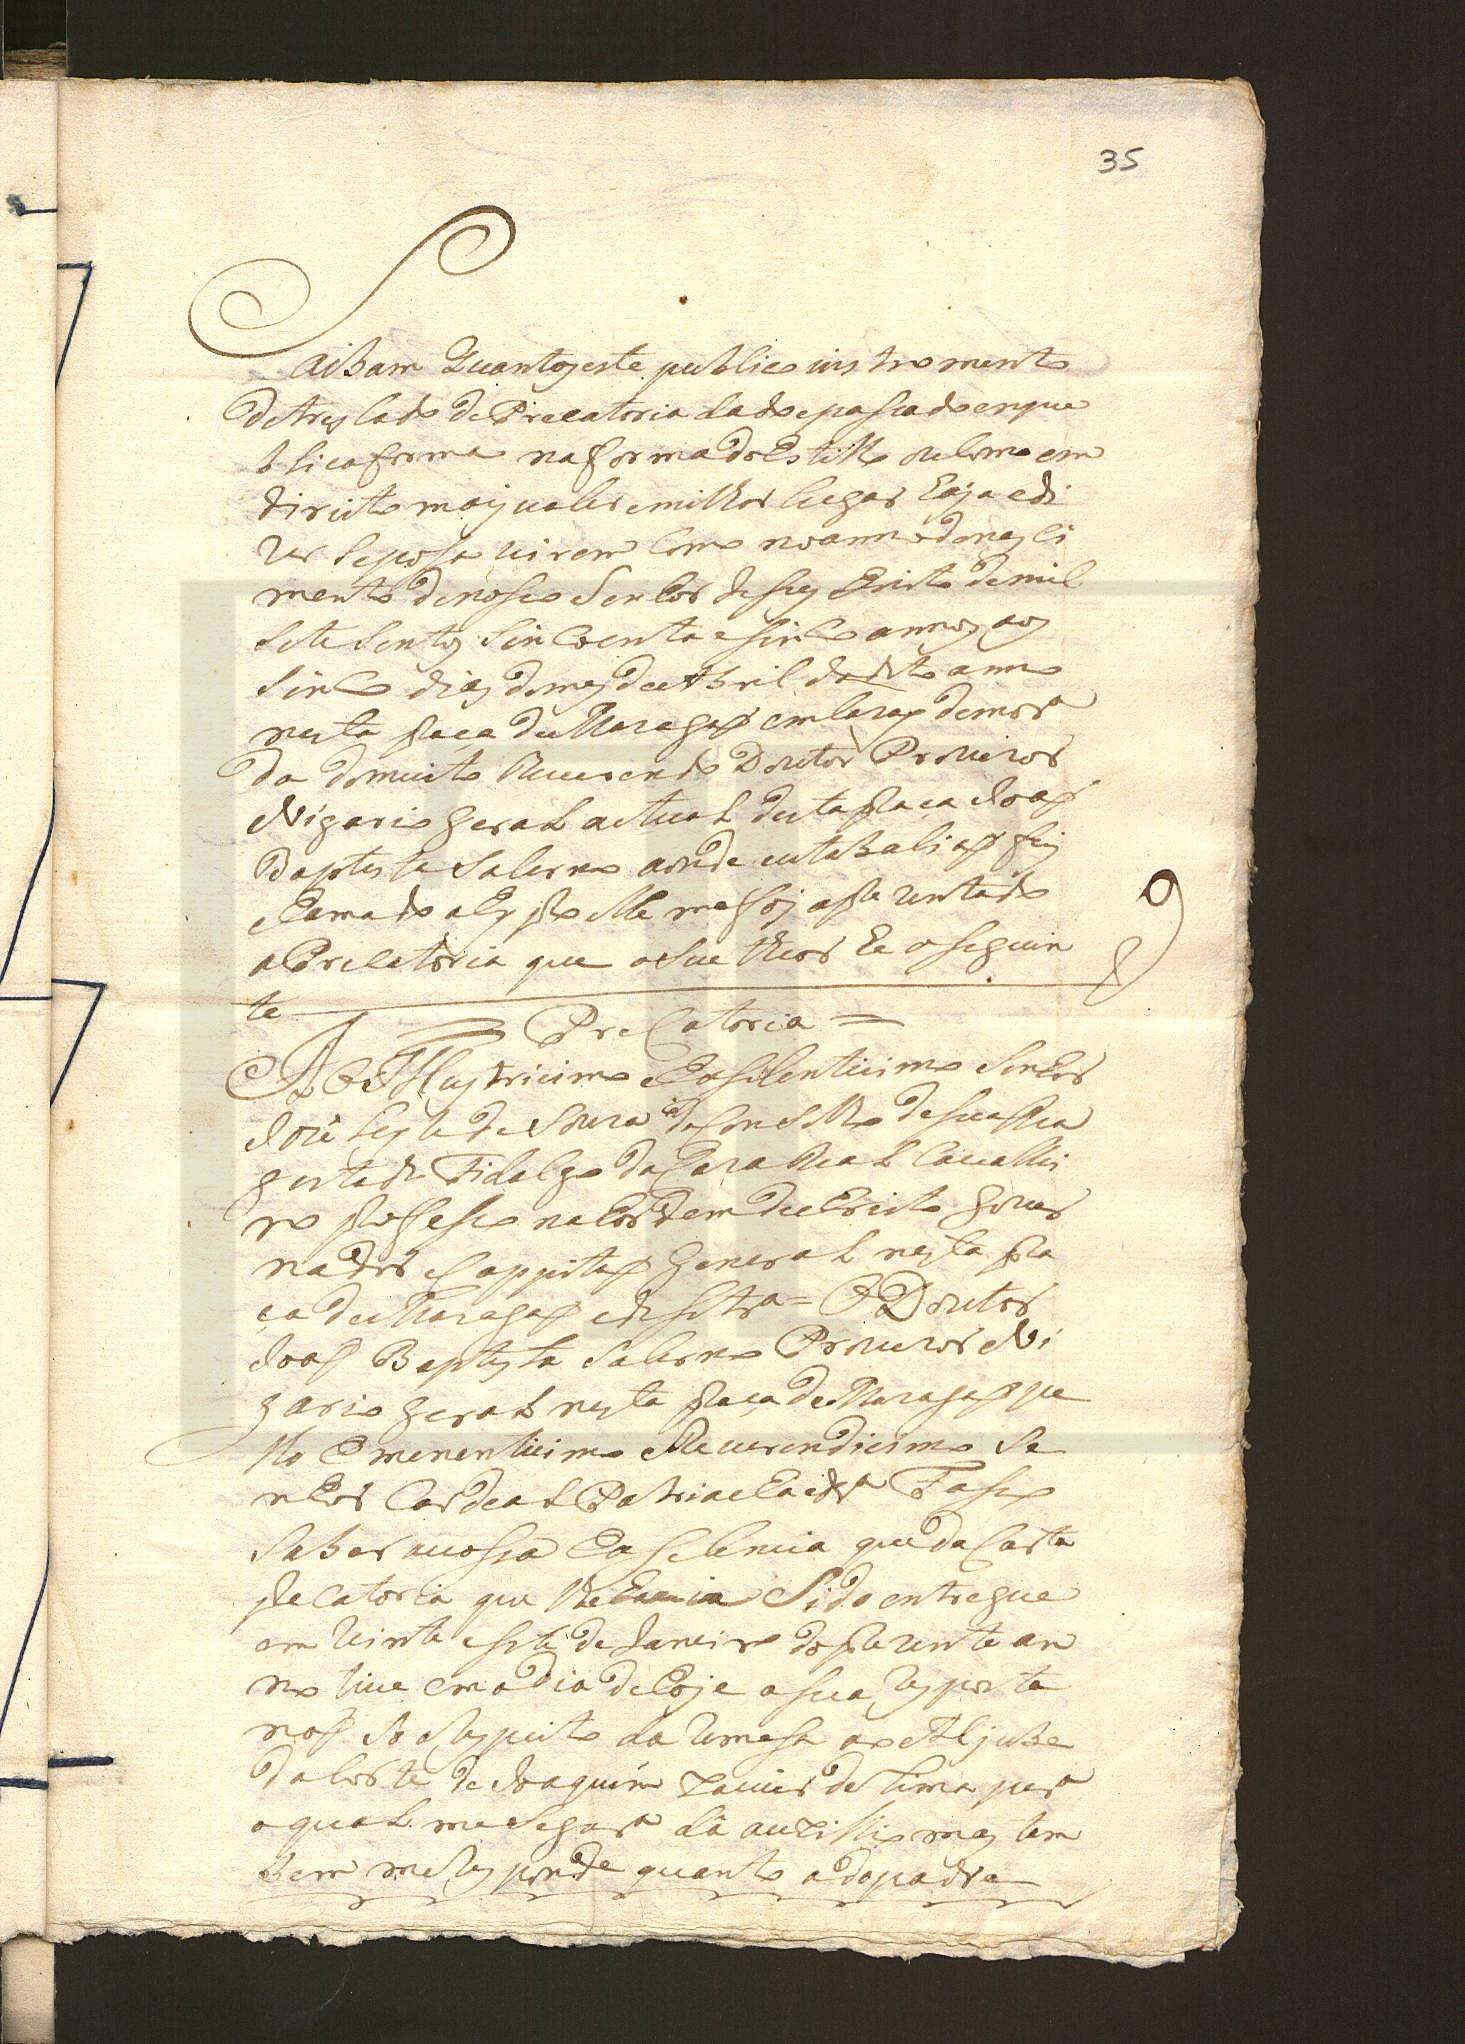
Saibam Quantos este publico instromento
de treslado de Precatoria dado e passado en pu
blica forma na forma do Estillo ou Como em
direito mais ualer e milhor lugar haja e di
zer se possa uirem como no anno do nasci
mento de nosso Senhor Iesus christo de mil
setesentos sincoenta e sinco annos aos
sinCo dias do mes de Abril do dito anno
nesta pRaça de Mazagaõ em Cazas de mora
da do muito Reuerendo Doutor Prouizor
e Vigario GeraL actual desta pRaça Ioaõ
Baptista Salerno aonde eu tabaliaõ fuy
chamado ahy pRo elle me foj apRezentado
a Precatoria que o seu theor he o seguin
te
= PreCatoria =
Ao Illustricimo Exselenticimo Senhor
Iozé Leyte de Souza de Conselho de sua Ma
gestade Fidalgo da Caza Real Cauallei
ro professo na hordem de christo Gouer
nador e Cappitaõ General nesta pRa
ça declaraçaõ edesetra = O Doutor
Ioaõ Baptista Salerno Prouezor e vi
gario geral nesta pRaça de Mazagaõ pe
llo Emenenticimo e Reuerendicimo Se
nhor CordeaL Patriacha e&a Fasso
Saber a uossa Eceselencia que da Carta
pRecatoria que lhe hauia sido entregue
em vinte e sete de Ianeiro do pRezente an
no tiue em o dia de hoje a sua Resposta
naõ só a Respeito da Remesa ao Aljube
da Corte de Ioaquim Zauier de lima pera
o qual me segura dâ auzillio mas tam
bem me Responde quanto a do padre
